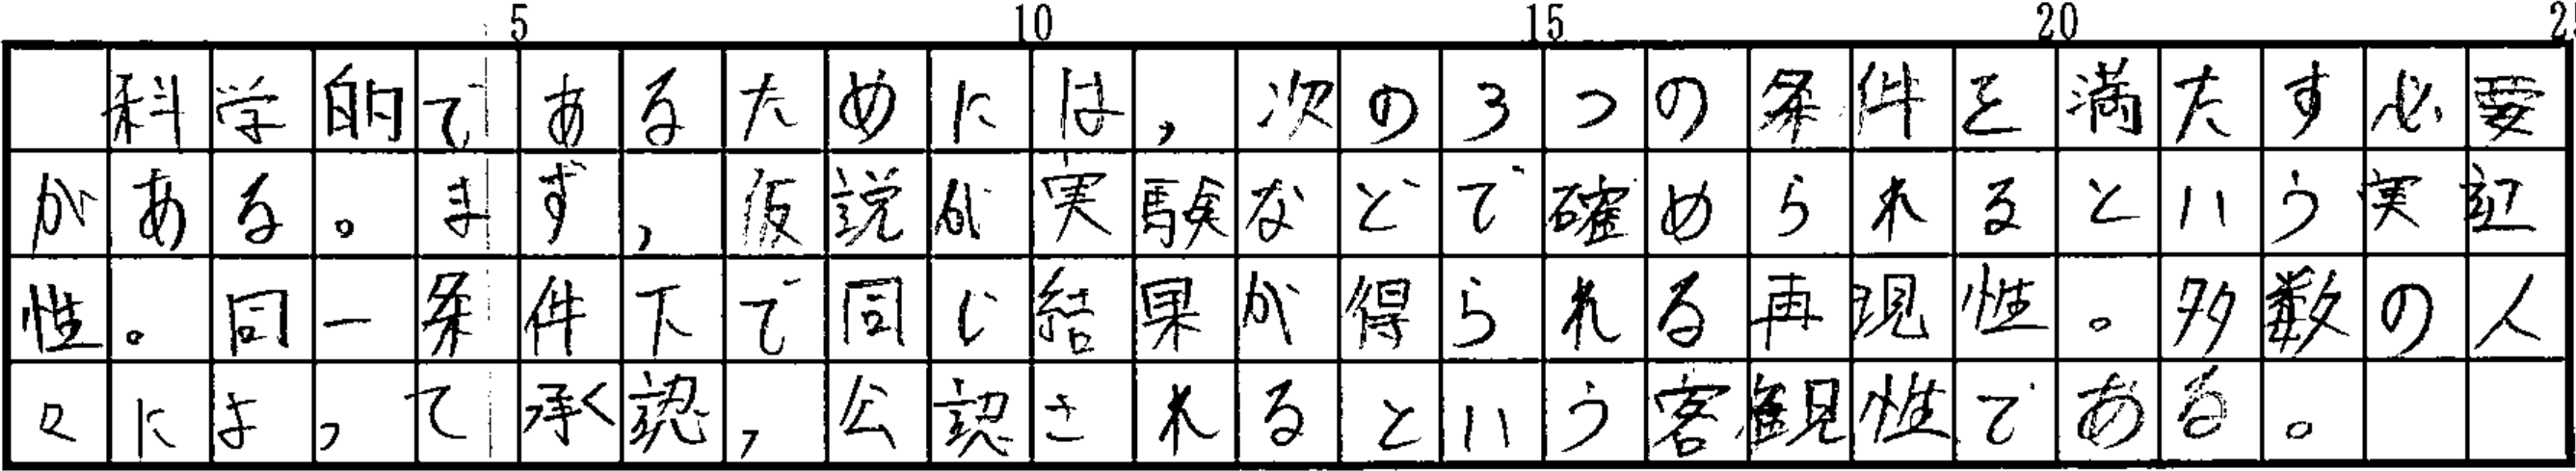　科学的であるためには、次の３つの条件を満たす必要がある。まず、仮説が実験などで確められるという実証性。同一条件下で同じ結果が得られる再現性。多数の人々によって承認、公認されるという客観性である。
